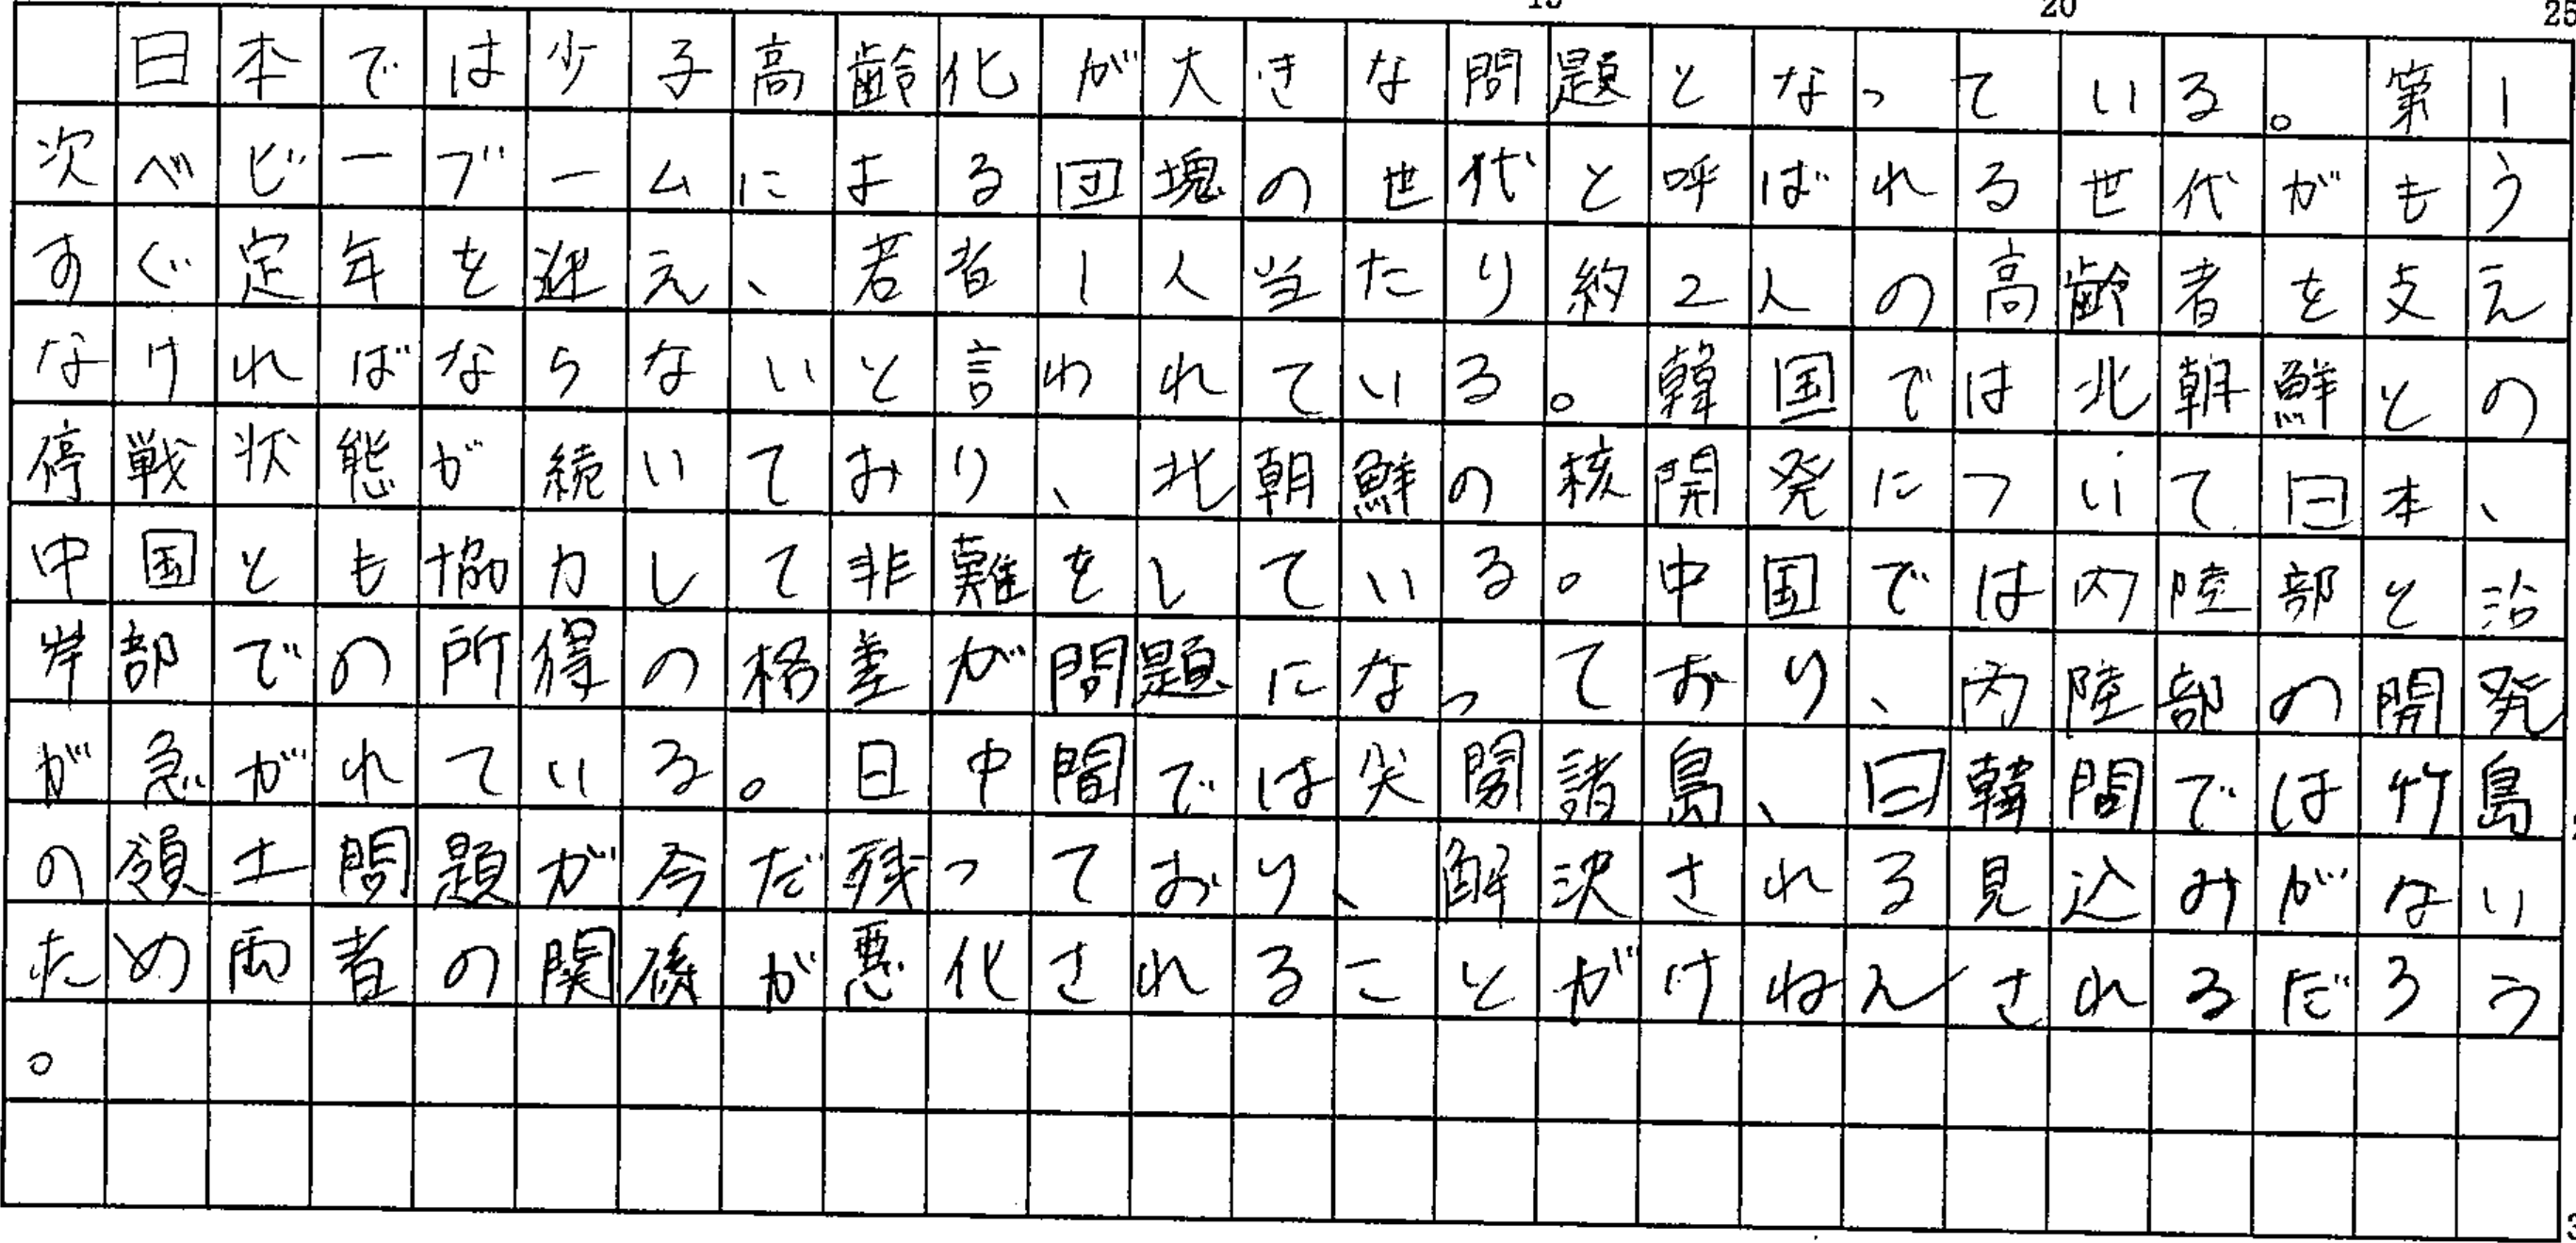　日本では少子高齢化が大きな問題となっている。第１次ベビーブームによる団塊の世代と呼ばれる世代がもうすぐ定年を迎え、若者１人当たり約２人の高齢者を支えなければならないと言われている。韓国では北朝鮮との停戦状態が続いており、北朝鮮の核開発について日本、中国とも協力して非難をしている。中国では内陸部と沿岸部での所得の格差が問題になっており、内陸部の開発が急がれている。日中間では尖閣諸島、日韓間では竹島の領土問題が今だ残っており、解決される見込みがないため両者の関係が悪化されることがけねんされるだろう。
